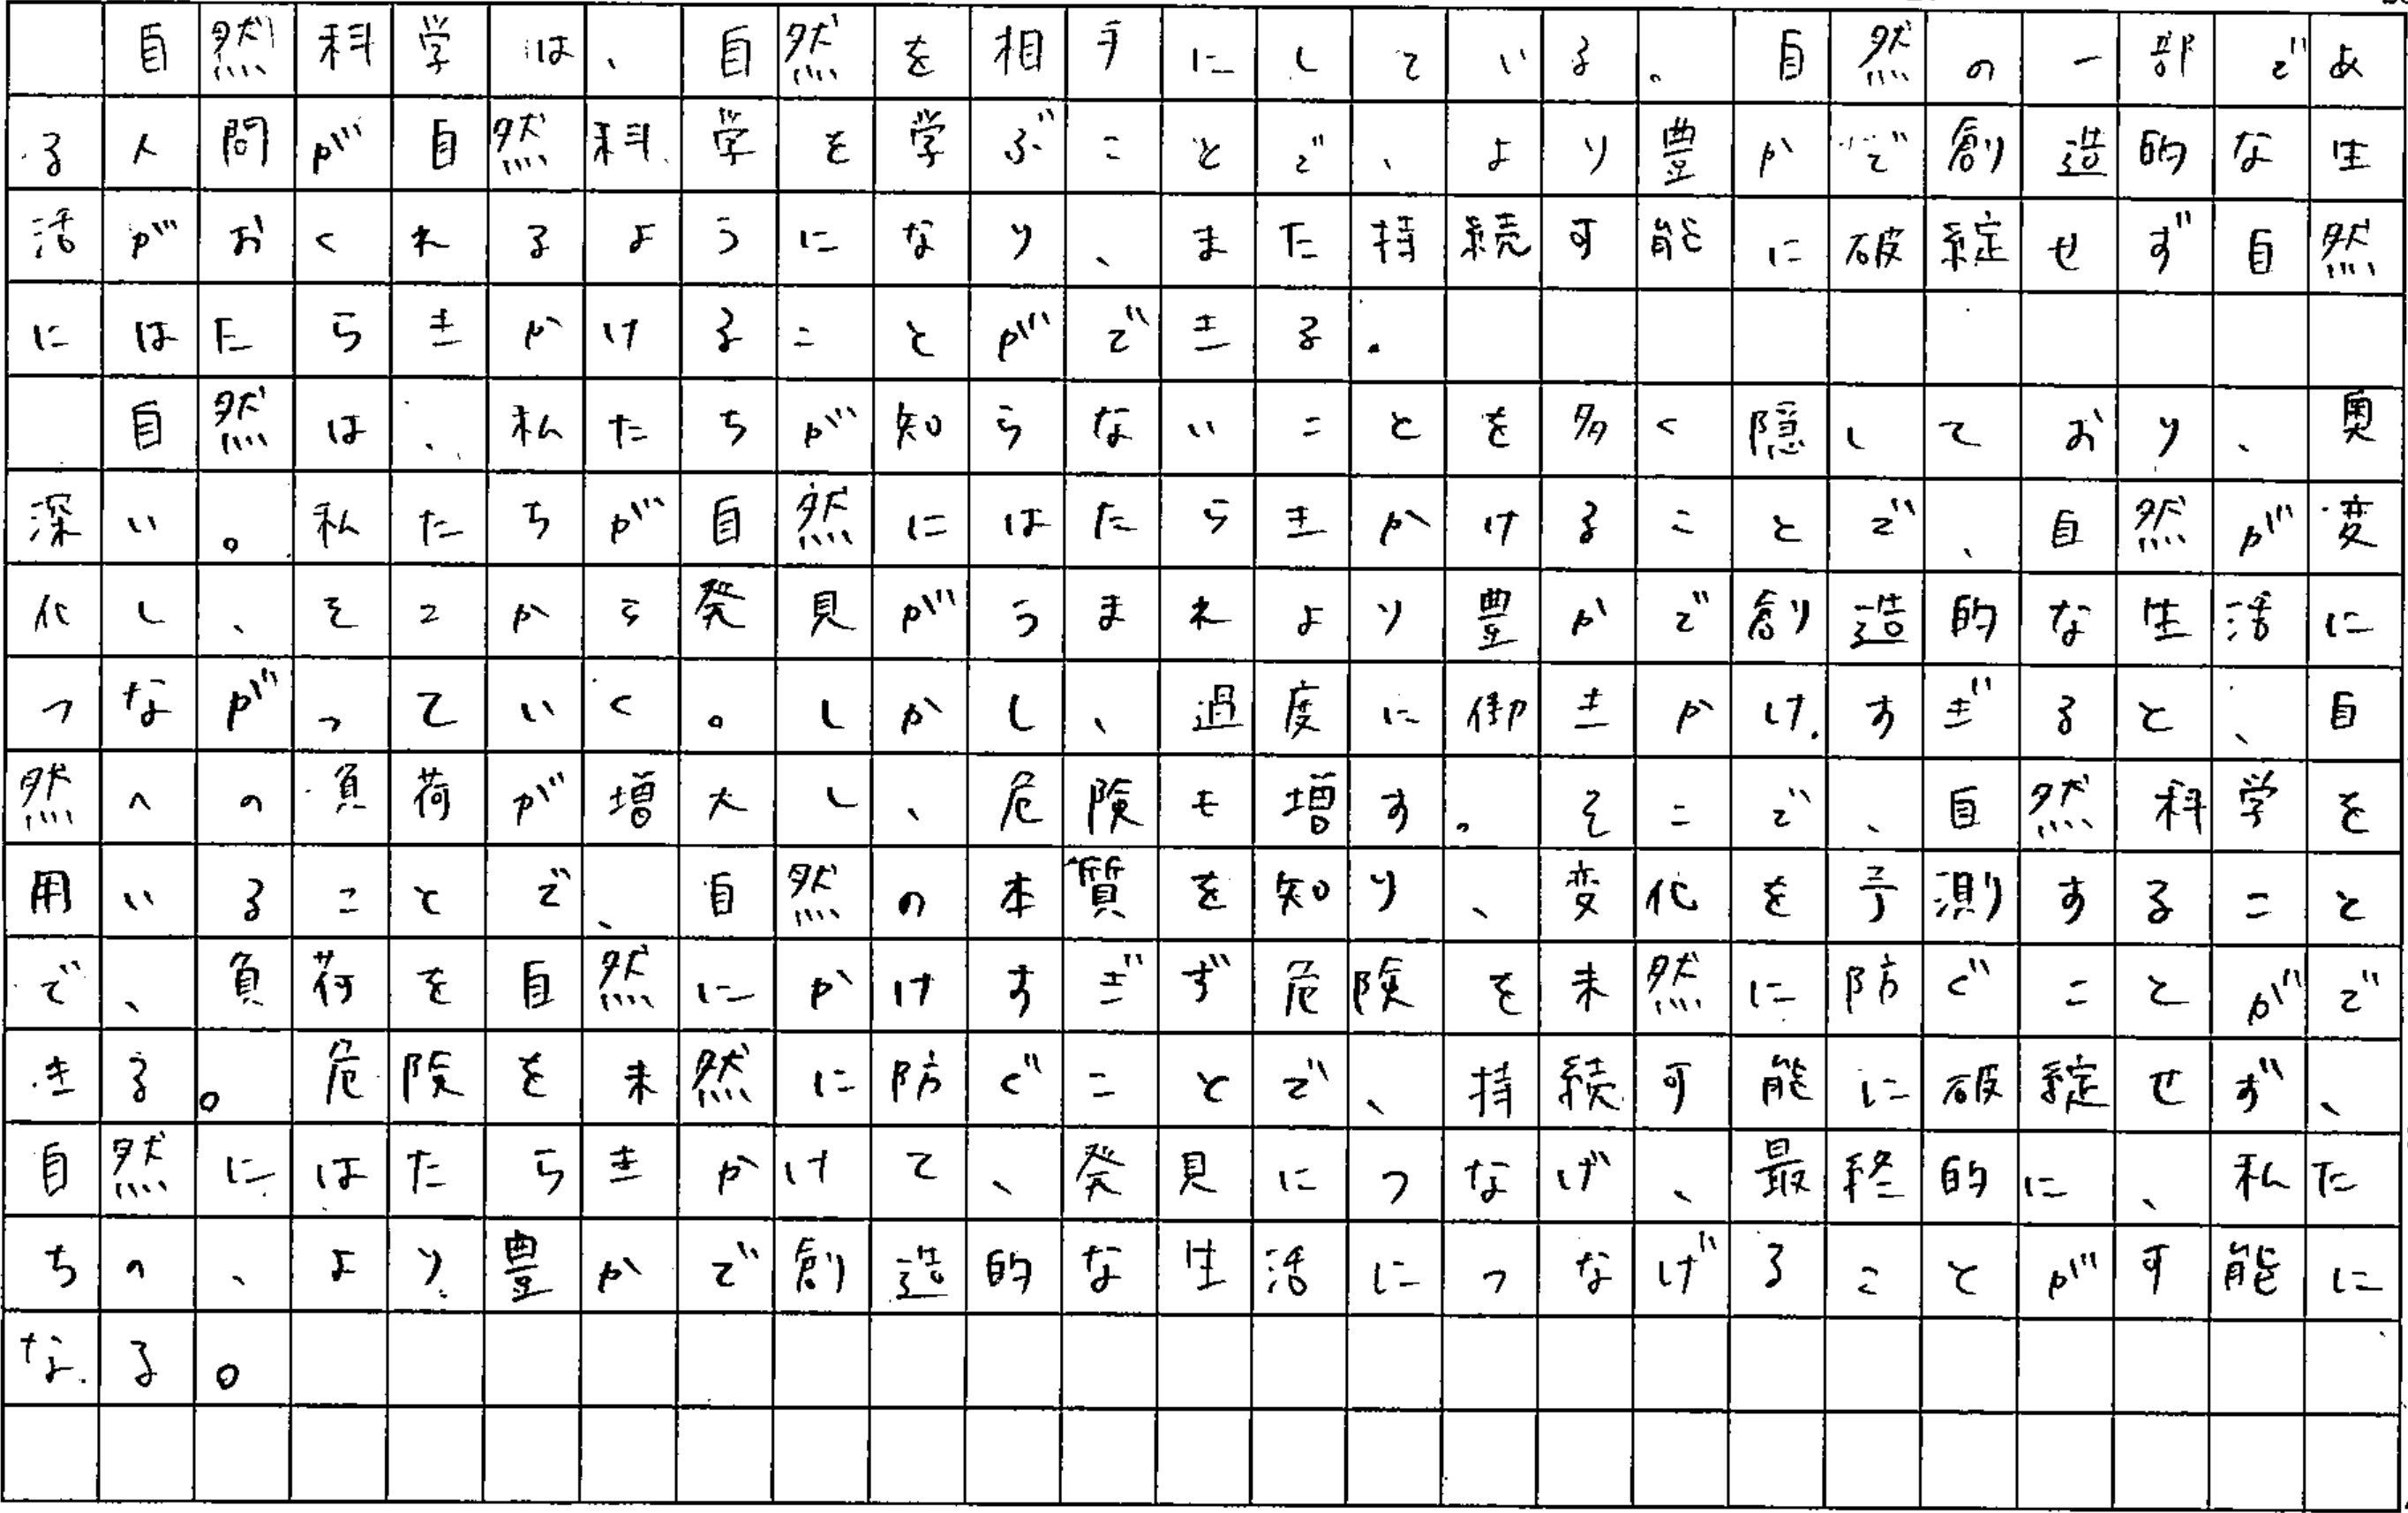　自然科学は、自然を相手にしている。自然の一部である人間が自然科学を学ぶことで、より豊かで創造的な生活がおくれるようになり、また持続可能に破綻せず自然にはたらきかけることができる。
　自然は、私たちが知らないことを多く隠しており、奥深い。私たちが自然にはたらきかけることで、自然が変化し、そこから発見がうまれより豊かで創造的な生活につながっていく。しかし、過度に働きかけすぎると、自然への負荷が増大し、危険も増す。そこで、自然科学を用いることで、自然の本質を知り、変化を予測することで、負荷を自然にかけすぎず危険を未然に防ぐことができる。危険を未然に防ぐことで、持続可能に破綻せず、自然にはたらきかけて、発見につなげ、最終的に、私たちの、より豊かで創造的な生活につなげることが可能になる。
